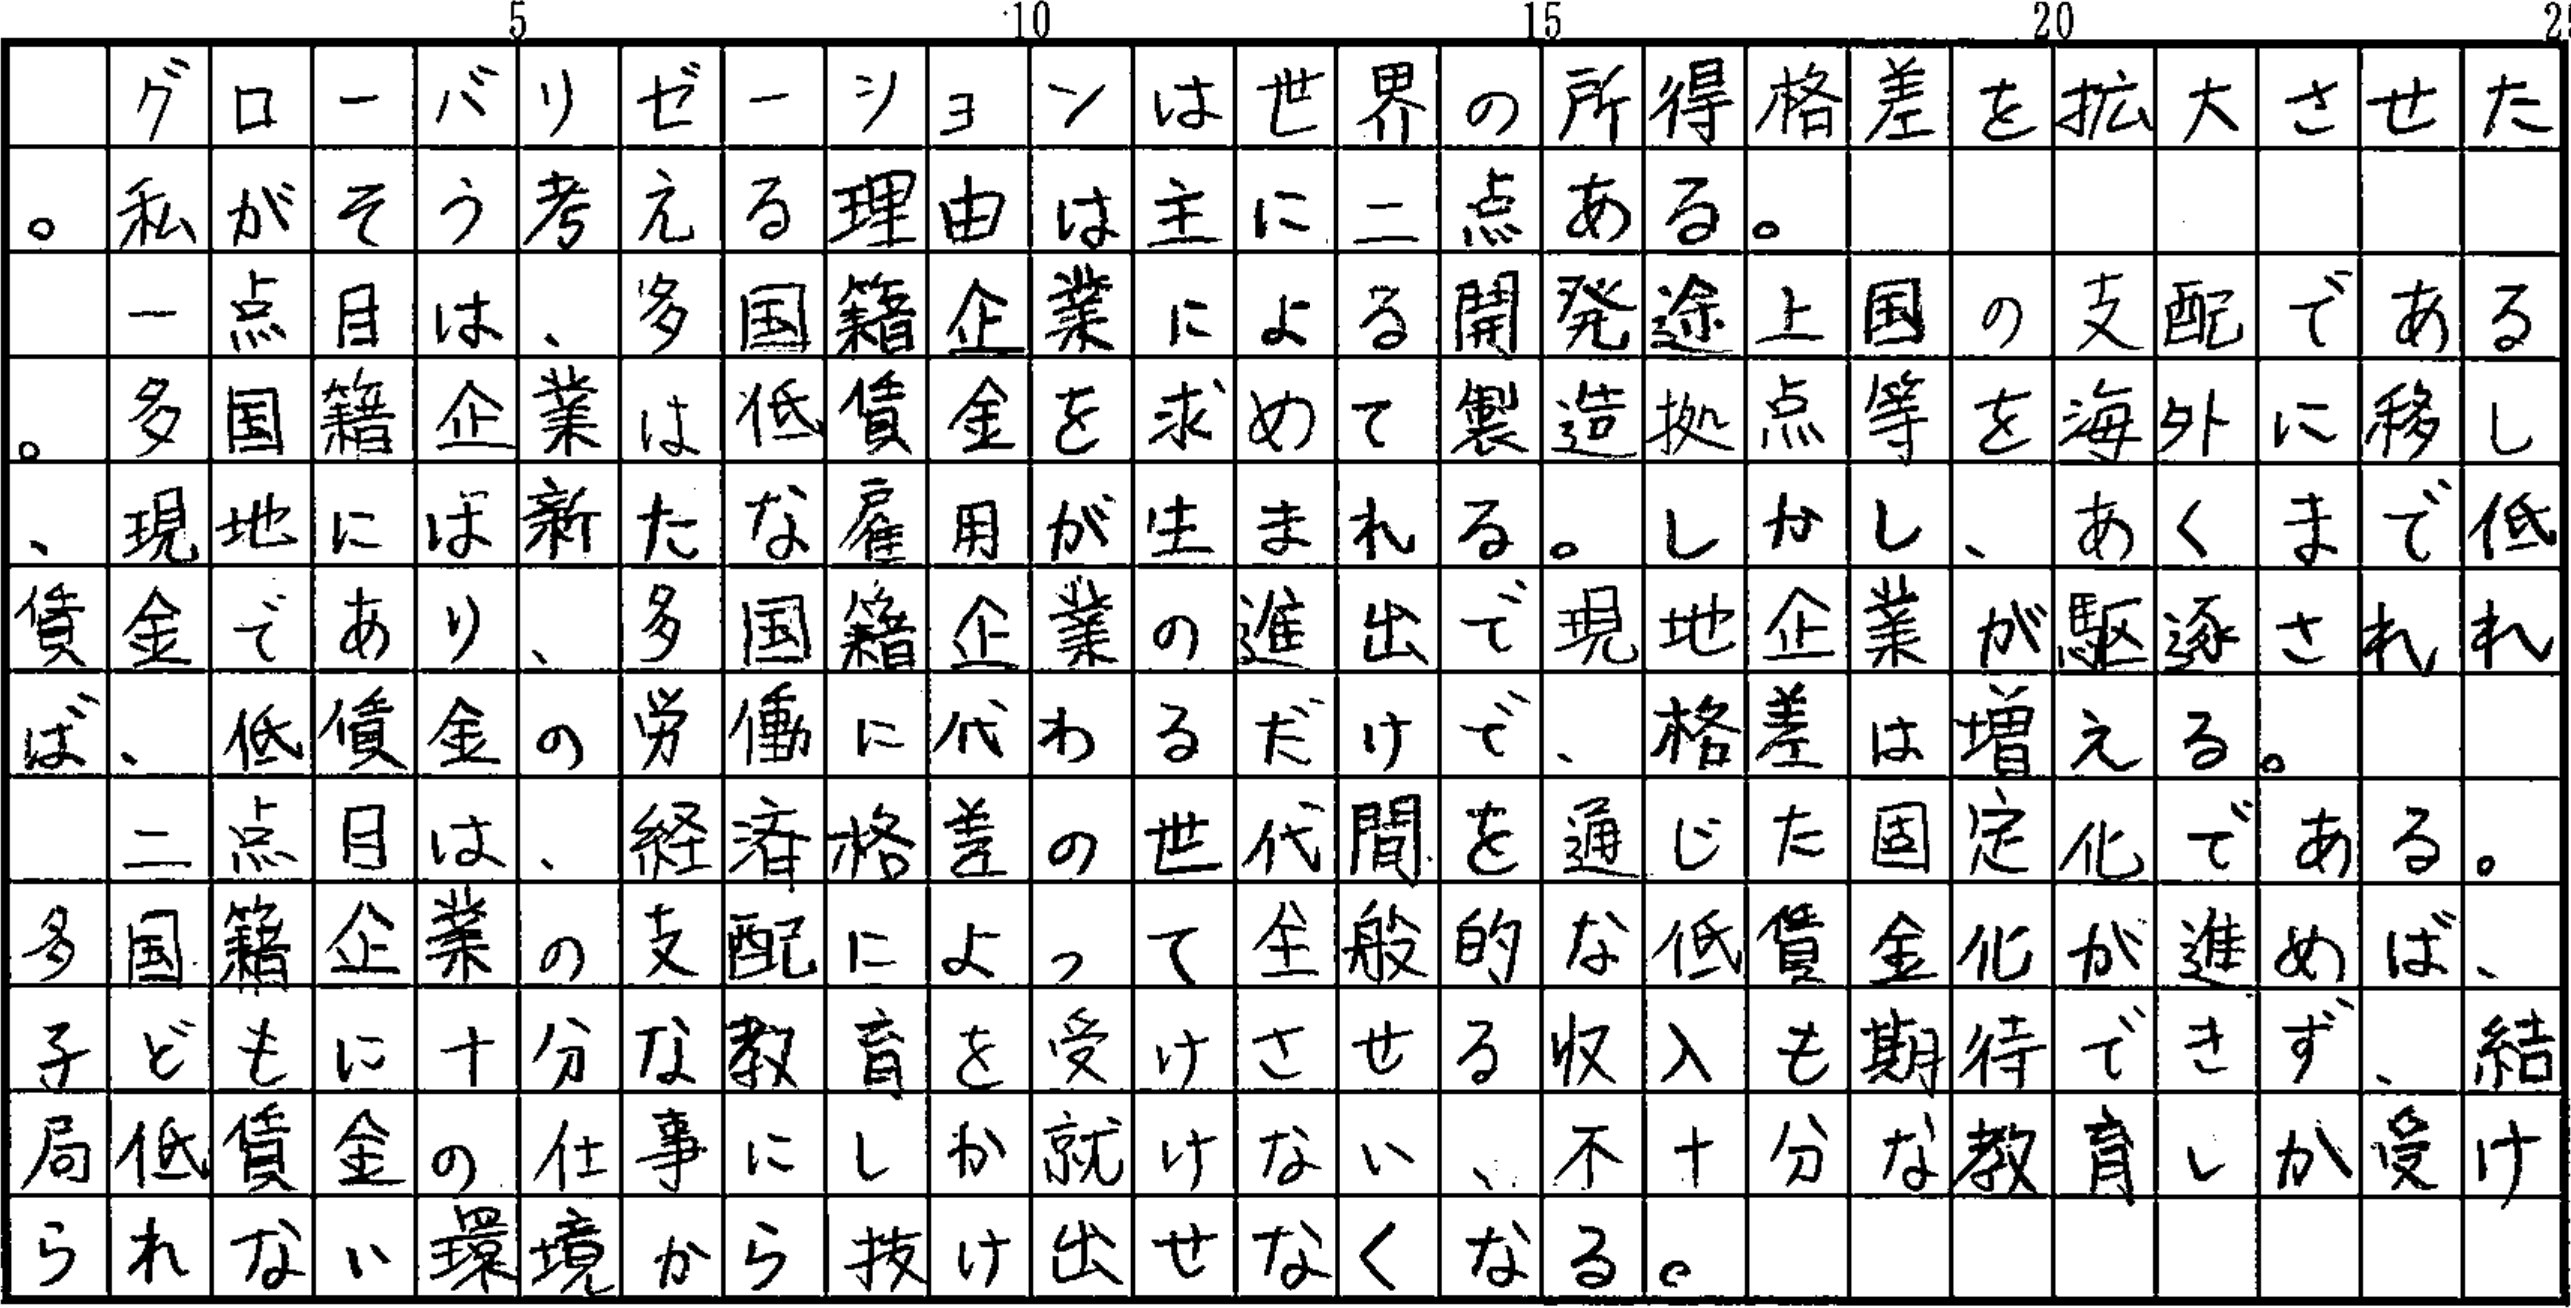　グローバリゼーションは世界の所得格差を拡大させた。私がそう考える理由は主に二点ある。
　一点目は、多国籍企業による開発途上国の支配である。多国籍企業は低賃金を求めて製造拠点等を海外に移し、現地には新たな雇用が生まれる。しかし、あくまで低賃金であり、多国籍企業の進出で現地企業が駆逐されれば、低賃金の労働に代わるだけで、格差は増える。
　二点目は、経済格差の世代間を通じた固定化である。多国籍企業の支配によって全般的な低賃金化が進めば、子どもに十分な教育を受けさせる収入も期待できず、結局低賃金の仕事にしか就けない、不十分な教育しか受けられない環境から抜け出せなくなる。
